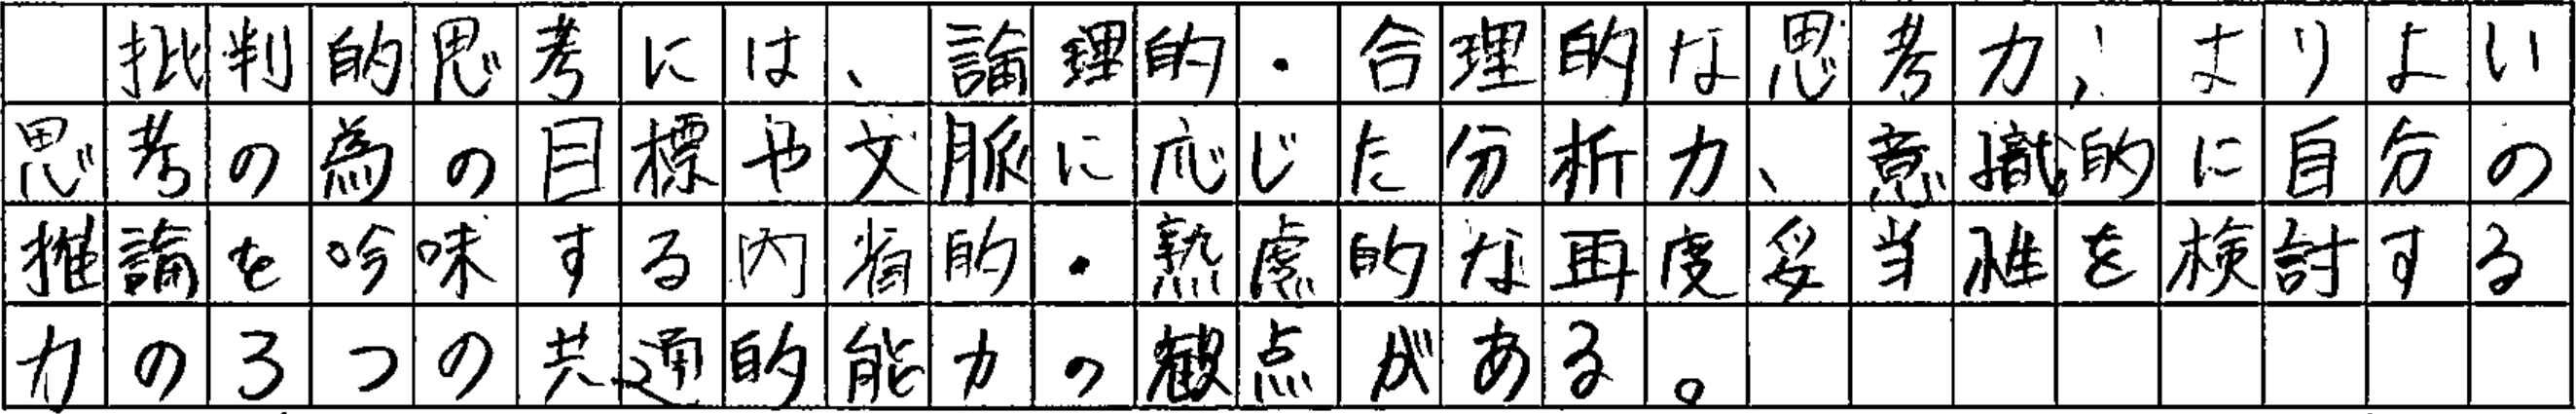　批判的思考には、論理的・合理的な思考力、よりよい思考の為の目標や文脈に応じた分析力、意識的に自分の推論を吟味する内省的・熟慮的な再度妥当性を検討する力の３つの共通的能力の観点がある。
